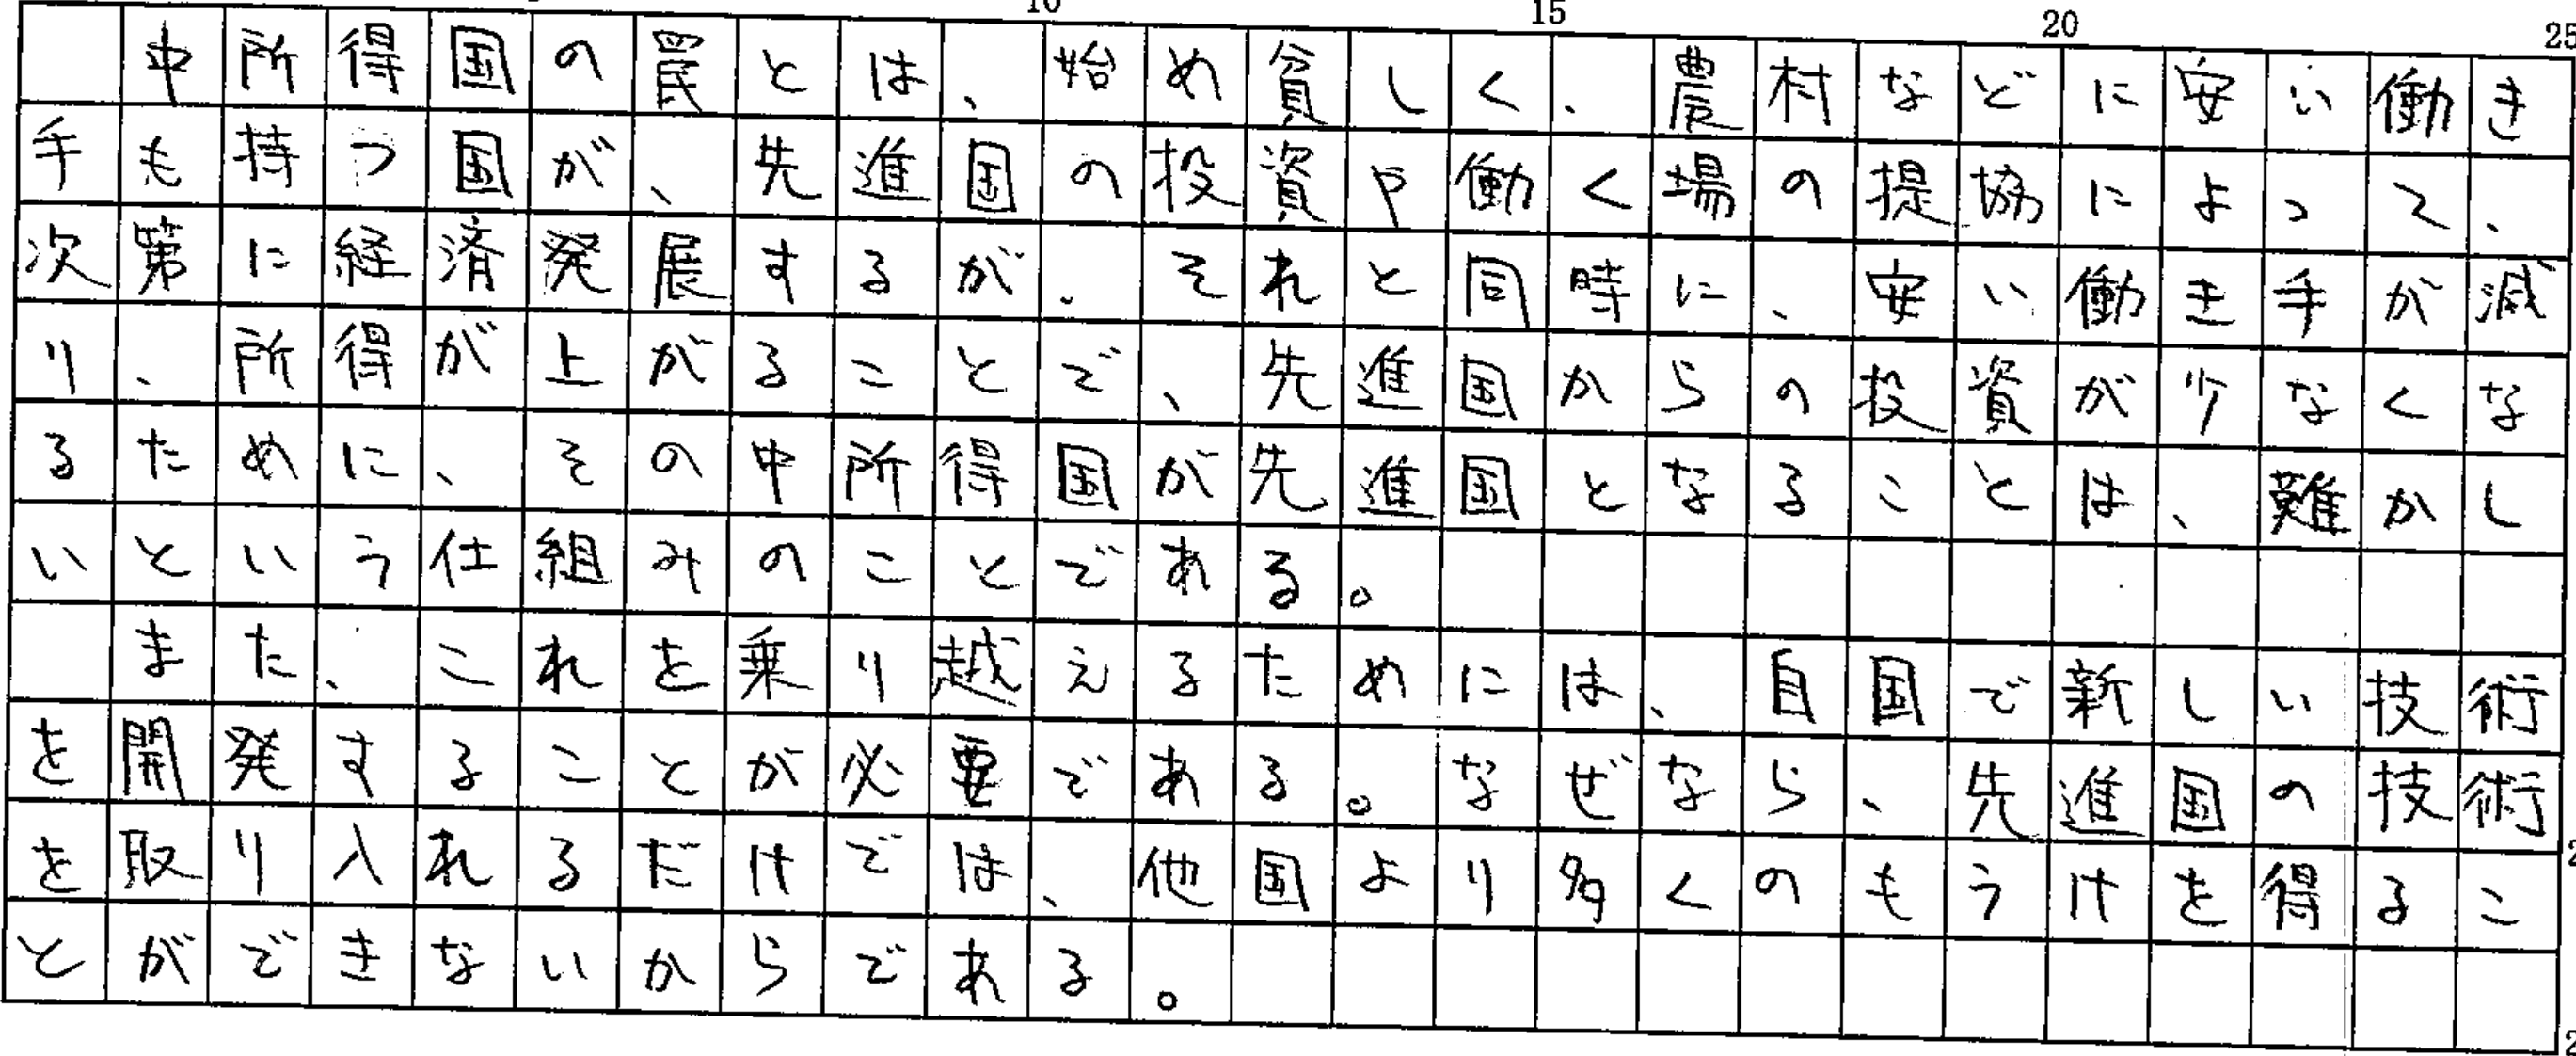　中所得国の罠とは、始め貧しく、農村などに安い働き手も持つ国が、先進国の投資や働く場の提協によって、次第に経済発展するが、それと同時に、安い働き手が減り、所得が上がることで、先進国からの投資が少なくなるために、その中所得国が先進国となることは、難かしいという仕組みのことである。
　また、これを乗り越えるためには、自国で新しい技術を開発することが必要である。なぜなら、先進国の技術を取り入れるだけでは、他国より多くのもうけを得ることができないからである。
